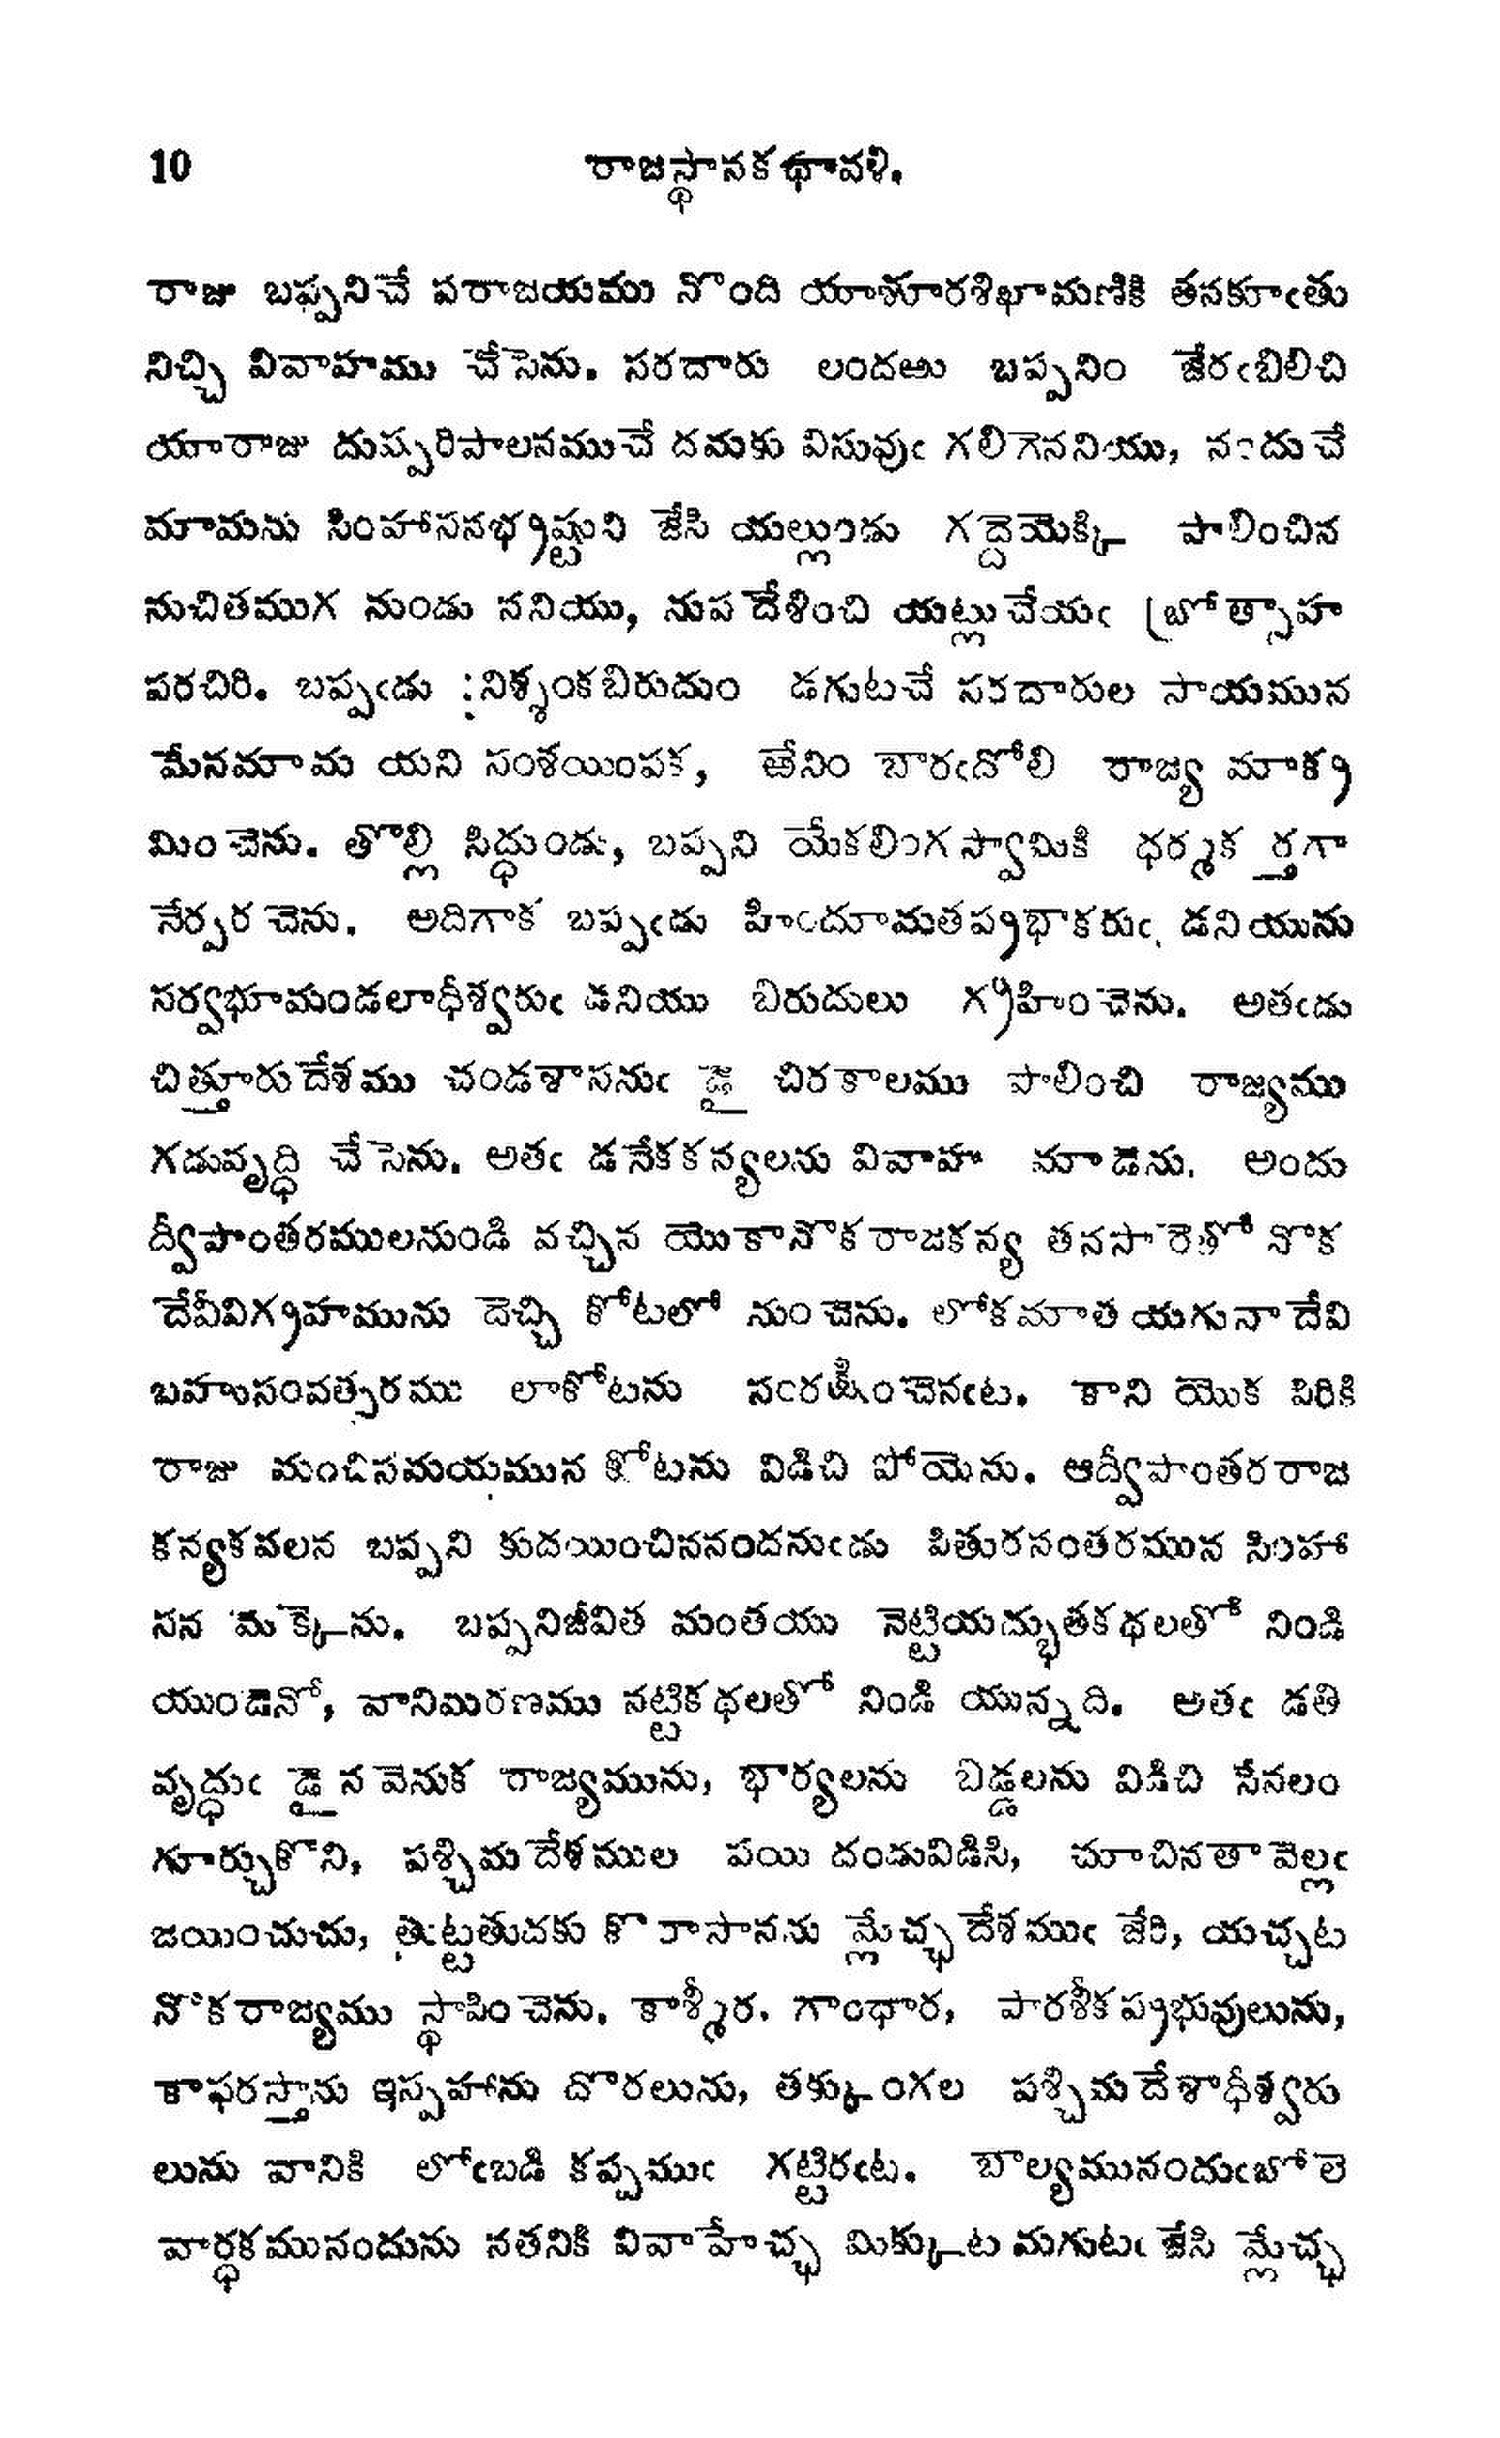రాజు బఫ్పనిచే పరాజయము నొంది యాశూరశిఖామణికి తన కూఁతు నిచ్చి వివాహము చేసెను. సరదారు లందఱు బప్పనిం జేరఁబిలిచి యారాజు దుష్పరిపాలనము చే దమకు విసువుఁ గలిగెననియు, నందుచే మామను సింహాసనభ్రష్టుని జేసి యల్లుడు గద్దెయెక్కి పాలించిన నుచితముగ నుండు ననియు, నుప దేశించి యట్లు చేయఁ బ్రోత్సాహపరచిరి. బప్పఁడు: నిశ్శంక బిరుదుం డగుటచే సరదారుల సాయమున మేనమామ యని సంశయింపక, ఱేనిం బారఁదోలి రాజ్య మాక్రమించెను. తొల్లి సిద్ధుండు', బప్పని యేకలింగస్వామికి ధర్మకర్తగా నేర్పరచెను, అదిగాక బప్పఁడు హిందూమత ప్రభాకరుఁ డని యును సర్వభూమండలాధీశ్వరుఁ డనియు బిరుదులు గ్రహించెను. అతఁడు చిత్తూరు దేశము చండశాసనుఁ డై చిర కాలము పాలించి రాజ్యము గడువృద్ధి చేసెను. అతఁ డనేక కన్యలను వివాహ మాడెను. అందు ద్వీపాంతరములనుండి వచ్చిన యొకానొక రాజకన్య తనసారెతో నొక దేవీ విగ్రహమును దెచ్చి కోటలో నుంచెను. లోక మాత యగునా దేవి బహుసంవత్సరము లాకోటను సంరక్షించెనఁట. కాని యొక పిరికి రాజు మంచి సమయమున కోటను విడిచి పోయెను. ఆద్వీపాంతరరాజ కన్యక వలన బప్పని కుదయించిననందనుఁడు పితురనంతరమున సింహాసన మెక్కెను. బప్పనిజీవిత మంతయు నెట్టియద్భుతకథలతో నిండి యుండెనో, వాని మరణము నట్టికథలతో నిండి యున్నది. అతఁ డతి వృద్ధుఁ డైన వెనుక "రాజ్యమును, భార్యలను బిడ్డలను విడిచి సేనలం గూర్చుకొని, పశ్చిమ దేశముల పయి దండువిడిసి, చూచిన తా వెల్లఁ జయించుచు, తుట్టతుదకు కొరాసానను మ్లేచ్ఛ దేశముఁ జేరి, యచ్చట నొక రాజ్యము స్థాపించెను, కాశ్మీర, గాంధార, పారశీక ప్రభువులును, కాఫరస్తాను ఇస్పహాను దొరలును, తక్కుంగల పశ్చిమ దేశాధీశ్వరులును వానికి లోబడి కప్పముఁ గట్టిరట. బాల్యమునందుఁబోలె వార్ధకమునందును నతనికి వివాహేచ్ఛ మిక్కుట మగుటఁ జేసి మ్లేచ్ఛ